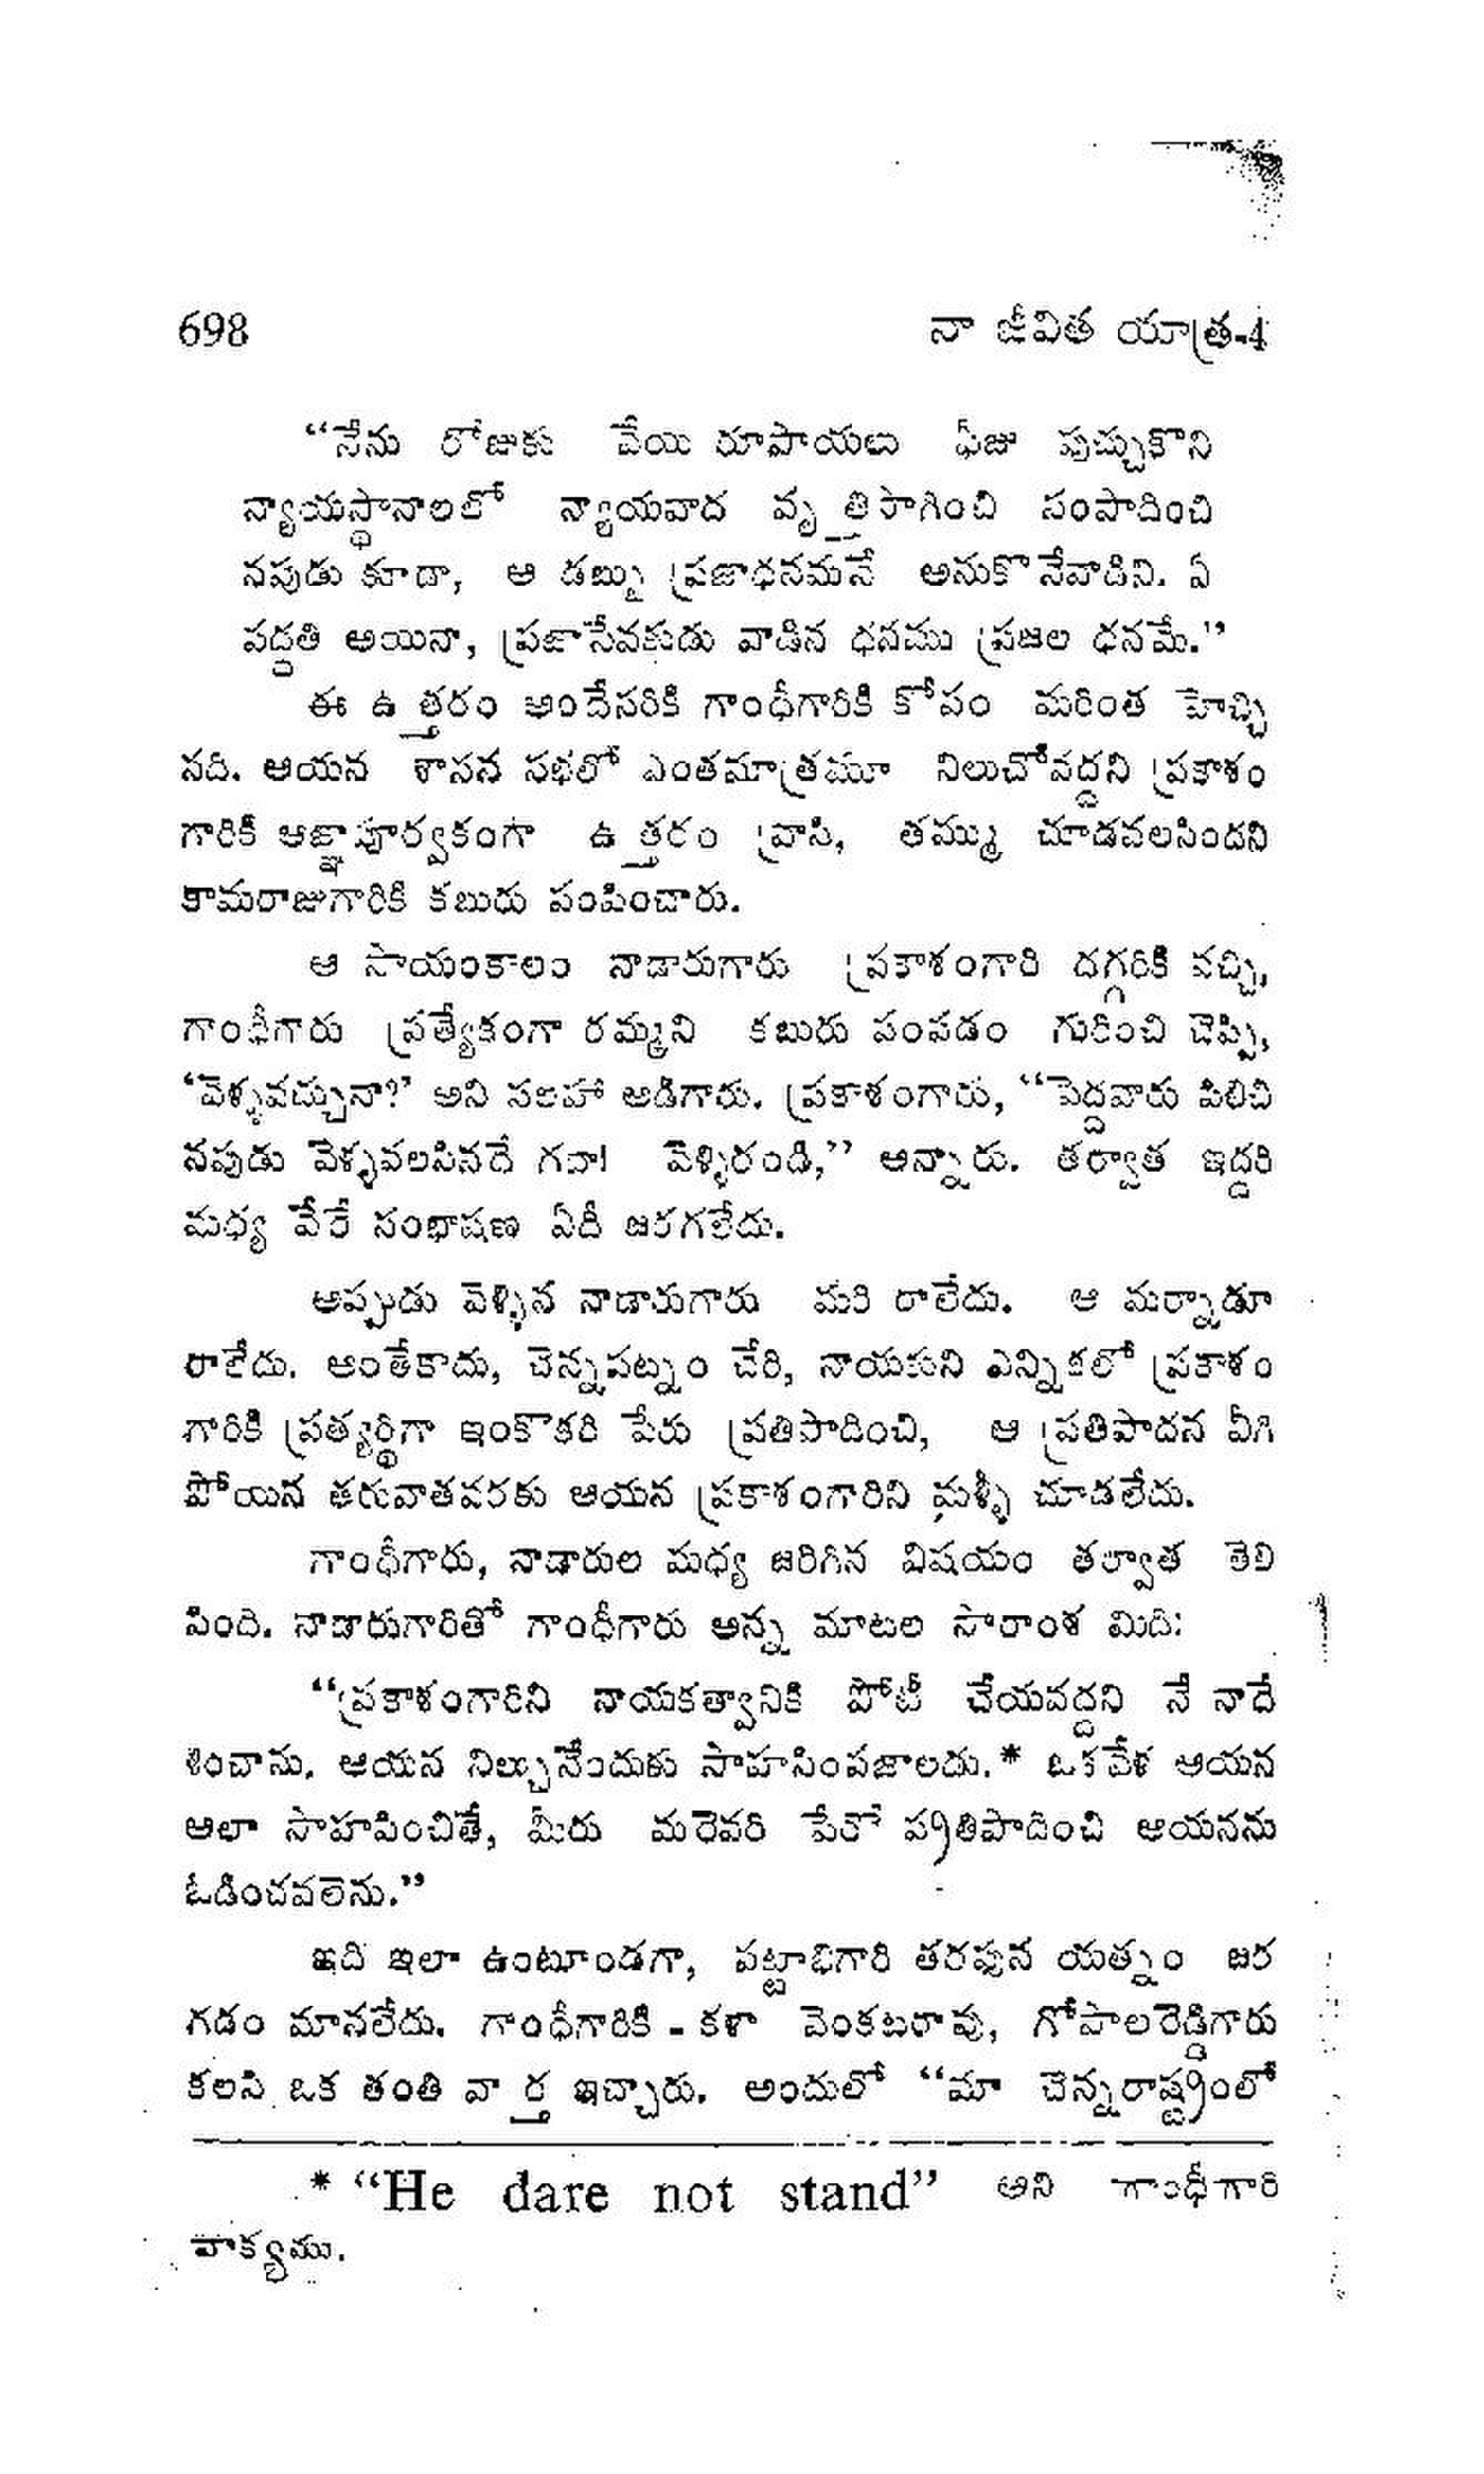"నేను రోజుకు వేయి రూపాయలు ఫీజు పుచ్చుకొని న్యాయస్థానాలలో న్యాయవాద వృత్తిసాగించి సంపాదించినపుడు కూడా, ఆ డబ్బు ప్రజాధనమనే అనుకొనేవాడిని. ఏ పద్ధతి అయినా, ప్రజాసేవకుడు వాడిన ధనము ప్రజల ధనమే."

ఈ ఉత్తరం అందేసరికి గాంధీగారికి కోపం మరింత హెచ్చినది. ఆయన శాసన సభలో ఎంతమాత్రమూ నిలుచోవద్దని ప్రకాశంగారికి ఆజ్ఞాపూర్వకంగా ఉత్తరం వ్రాసి, తమ్ము చూడవలసిందని కామరాజుగారికి కబురు పంపించారు.

ఆ సాయంకాలం నాడారుగారు ప్రకాశంగారి దగ్గరికి వచ్చి, గాంధీగారు ప్రత్యేకంగా రమ్మని కబురు పంపడం గురించి చెప్పి, "వెళ్ళవచ్చునా?' అని సలహా అడిగారు. ప్రకాశంగారు, "పెద్దవారు పిలిచినపుడు వెళ్ళవలసినదే గదా! వెళ్ళిరండి," అన్నారు. తర్వాత ఇద్దరి మధ్య వేరే సంభాషణ ఏదీ జరగలేదు.

అప్పుడు వెళ్ళిన నాడారుగారు మరి రాలేదు. ఆ మర్నాడూ రాలేదు. అంతేకాదు, చెన్నపట్నం చేరి, నాయకుని ఎన్నికలో ప్రకాశంగారికి ప్రత్యర్థిగా ఇంకొకరి పేరు ప్రతిపాదించి, ఆ ప్రతిపాదన వీగిపోయిన తరువాతవరకు ఆయన ప్రకాశంగారిని మళ్ళీ చూడలేదు.

గాంధీగారు, నాడారుల మధ్య జరిగిన విషయం తర్వాత తెలిసింది. నాడారుగారితో గాంధీగారు అన్న మాటల సారాంశ మిది:

"ప్రకాశంగారిని నాయకత్వానికి పోటీ చేయవద్దని నే నాదేశించాను, ఆయన నిల్చునేందుకు సాహసింపజాలడు. ఒకవేళ ఆయన అలా సాహసించితే, మీరు మరెవరి పేరో ప్రతిపాదించి ఆయనను ఓడించవలెను."

ఇది ఇలా ఉంటూండగా, పట్టాభిగారి తరపున యత్నం జరగడం మానలేదు. గాంధీగారికి - కళా వెంకటరావు, గోపాలరెడ్డిగారు కలసి ఒక తంతి వార్త ఇచ్చారు. అందులో "మా చెన్నరాష్ట్రంలో